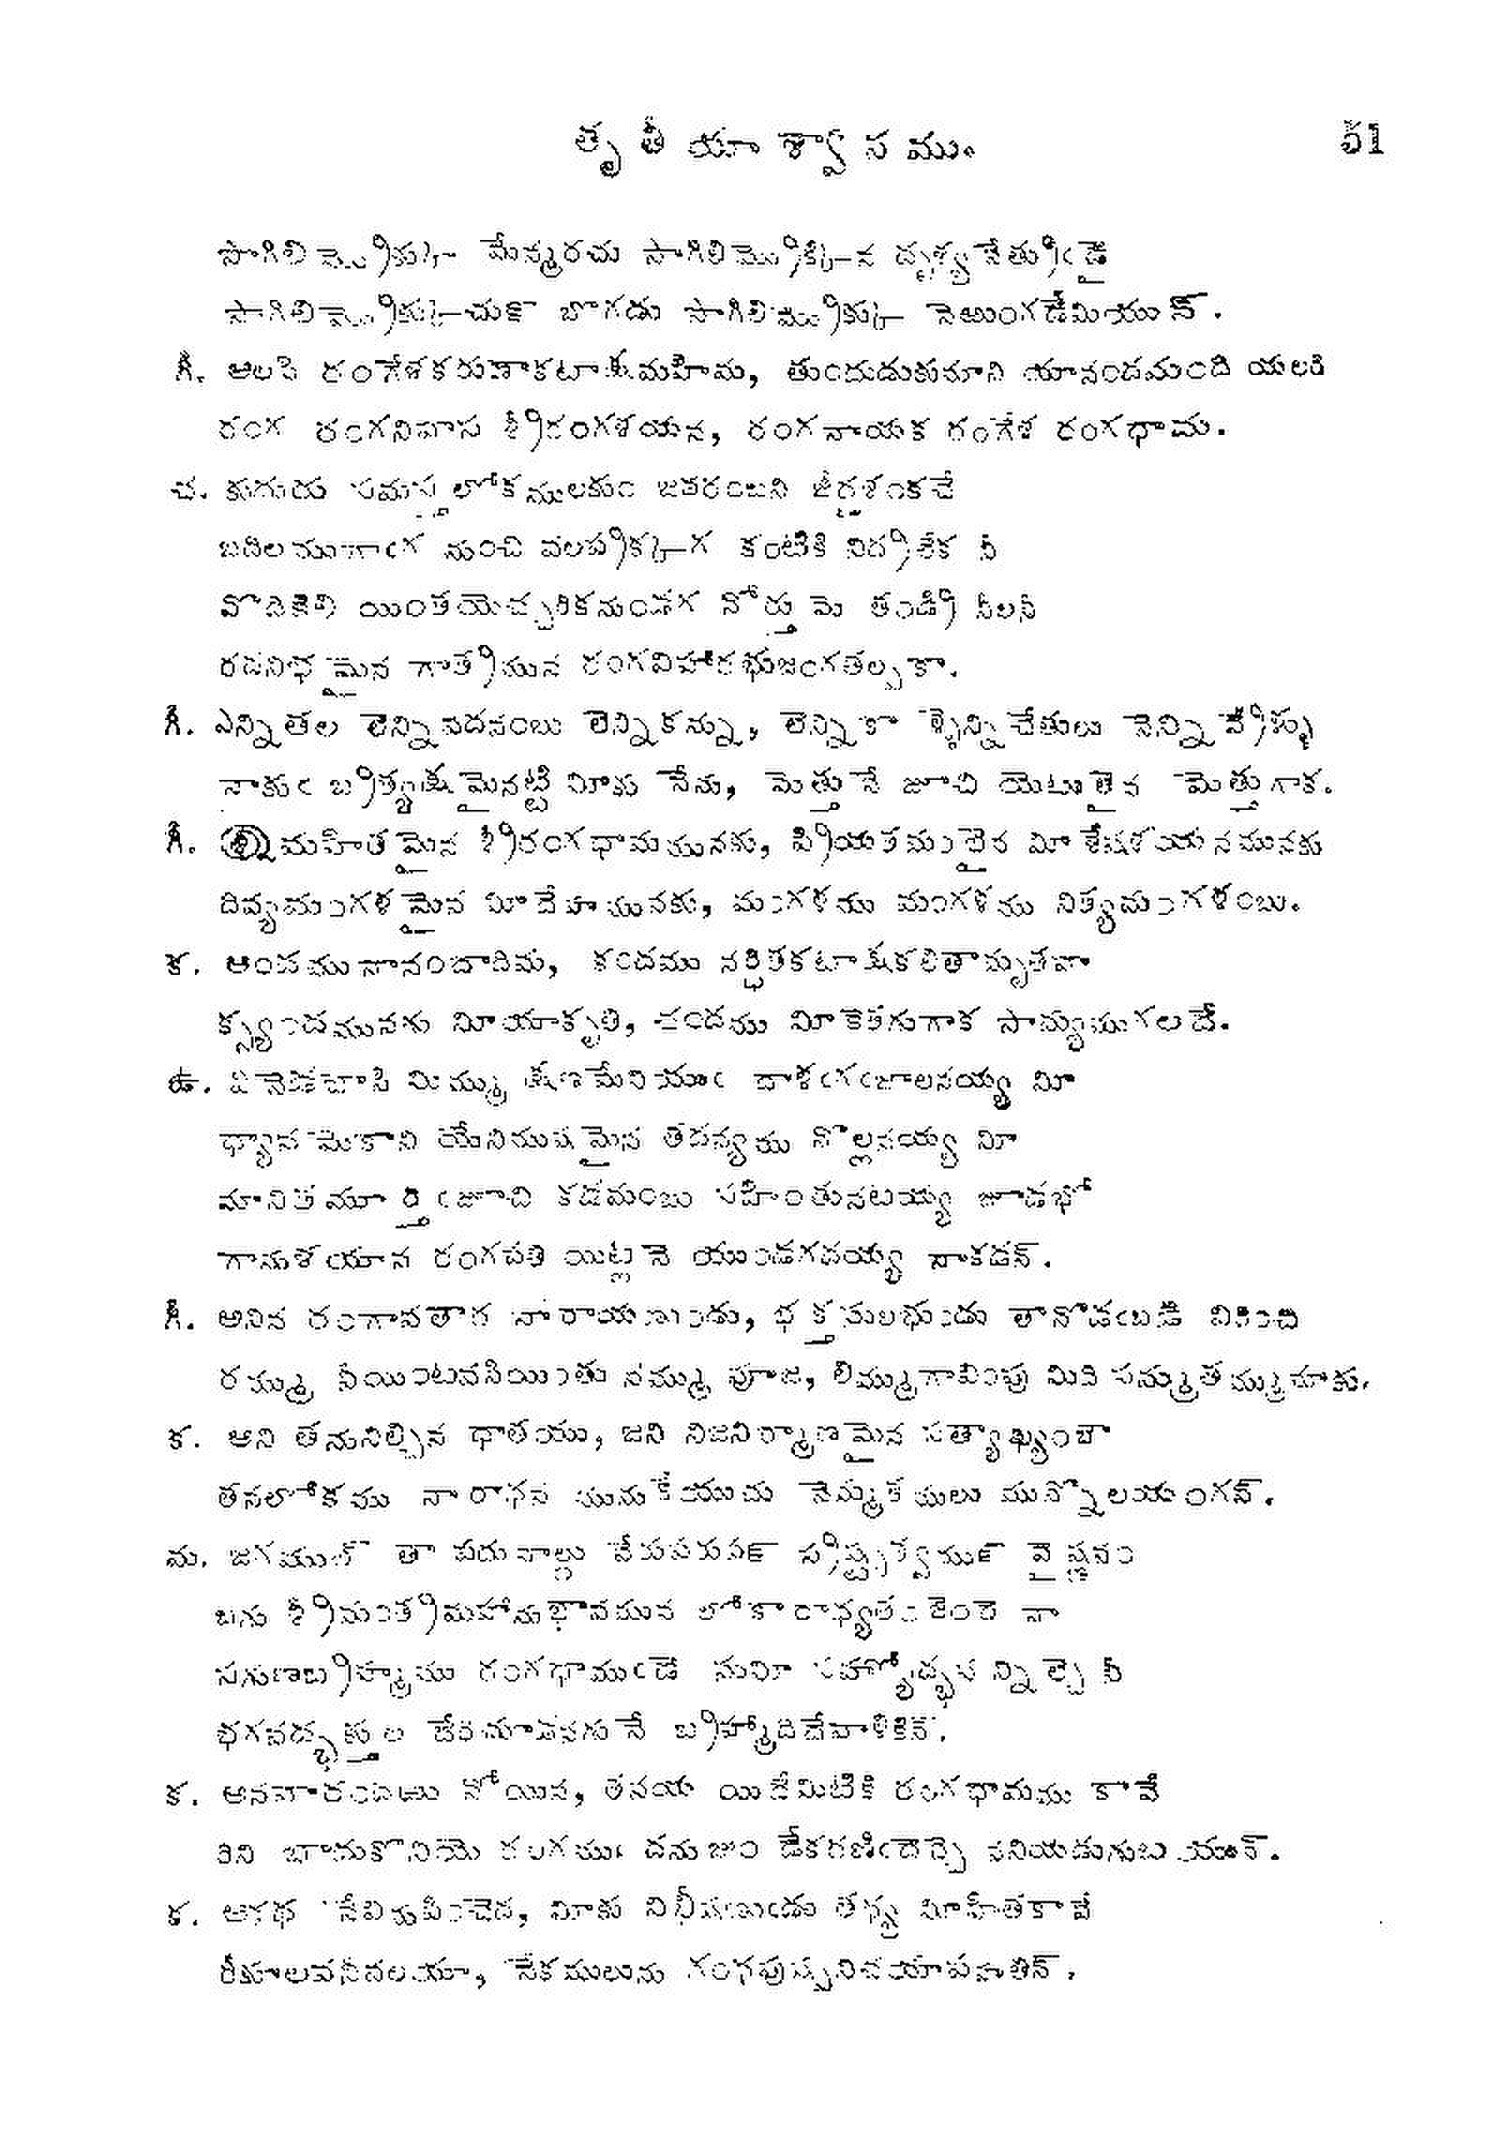సాగిలిమ్రొక్కు మేన్మరచు సాగిలిమ్రొక్కిన దృశ్యనేత్రుఁడై
 సాగిలిమ్రొక్కుచున్ బొగడు సాగిలిమ్రొక్కు నెఱుంగడేమియున్.
గీ. అలసి రంగేశకరుణాకటాక్షమహిమ, తుందుడుకుమాని యానందమంది యలరి
 రంగ రంగనివాస శ్రీరంగశయన, రంగనాయక రంగేశ రంగధామ.
చ. కుదురు సమస్తలోకములకుఁ జఠరంబని జీర్ణశంకచే
 బదిలముగాఁగ నుంచి వలప్రక్కగ కంటికి నిద్రలేక నీ
 వొదికిలి యింతయెచ్చరిక నుండగ నోర్తుమె తండ్రి నీలనీ
 రదనిభమైన గాత్రమున నునే రంగవిహార భుజంగతల్పకా.
గీ. ఎన్నితల లెన్నివదనంబు లెన్నికన్ను , లెన్నికా ళ్ళెన్నిచేతులు నెన్నివ్రేళ్ళు
 నాకుఁ బ్రత్యక్షమైనట్టి మీకు నేను, మెత్తునే జూచి యెటులైన మెత్తుగాక.
గీ. శ్రీమహితమైన శ్రీరంగధామమునకు, ప్రియతమంబైన మీశేషశయనమునకు
 దివ్యమంగళమైన మీదేహమునకు, మంగళము మంగళము నిత్యమంగళంబు.
క. అందము నానందాదిమ, కందము నర్థితకటాక్షకలితామృతవా
 క్స్యందమునగు నీయాకృతి, చందము మీకె తగుగాక సామ్యము గలదే.
ఉ. ఏ నెడబాసి మిమ్ము క్షణమేనియుఁ దాళఁగఁజాలనయ్య మీ
 ధ్యానమెకాని యేనిముషమైన తదన్యము నొల్లనయ్య మీ
 మానితమూర్తిఁ జూచి కడమంబు సహింతునటయ్య జూడ భో
 గానుశయాన రంగపతి యిట్లనె యుండగదయ్య నాకడన్.
గీ. అనిన రంగావతార నారాయణుండు, భక్తసులభుండు తానొడఁబడి విరించి
 రమ్ము నీయింట వసియింతు నమ్ము పూజ, లిమ్ము గావింపు మిది సమ్మతమ్ము మాకు.
క. అని తను నిల్చిన ధాతయు, జని నిజనిర్మాణమైన సత్యాఖ్యంబౌ
 తనలోకము నారాధనమును చేయుచు నెమ్మతములు మున్నొలయంగన్.
మ. జగముల్ తా పదునాల్గు వేరువరుసన్ స్రష్టృత్వమున్ వైష్ణవం
 బగు శ్రీమంత్రమహానుభావమున లోకారాధ్యతం జెందె నా
 సగుణబ్రహ్మము రంగధాముఁడె సుమీ సహ్యోద్భవ న్నిల్చె నీ
 భగవద్భక్తుల దేరచూడనగునే బ్రహ్మాదిదేవాళికిన్.
క. అన వారందఱు వోయిన, తనయ యిదేమిటికి రంగధామము కావే
 రిని బాదుకొనియె రంగముఁ, దనుజుం డేకరణిఁ దెచ్చె ననియడుగుటయున్.
క. ఆకథ నే వినిపించెద, మీకు విభీషణుఁడు తథ్య మీహితకావే
 రీకూలవనీనిలయా, నేకములును గంధపుష్పనిచయాపహతిన్.